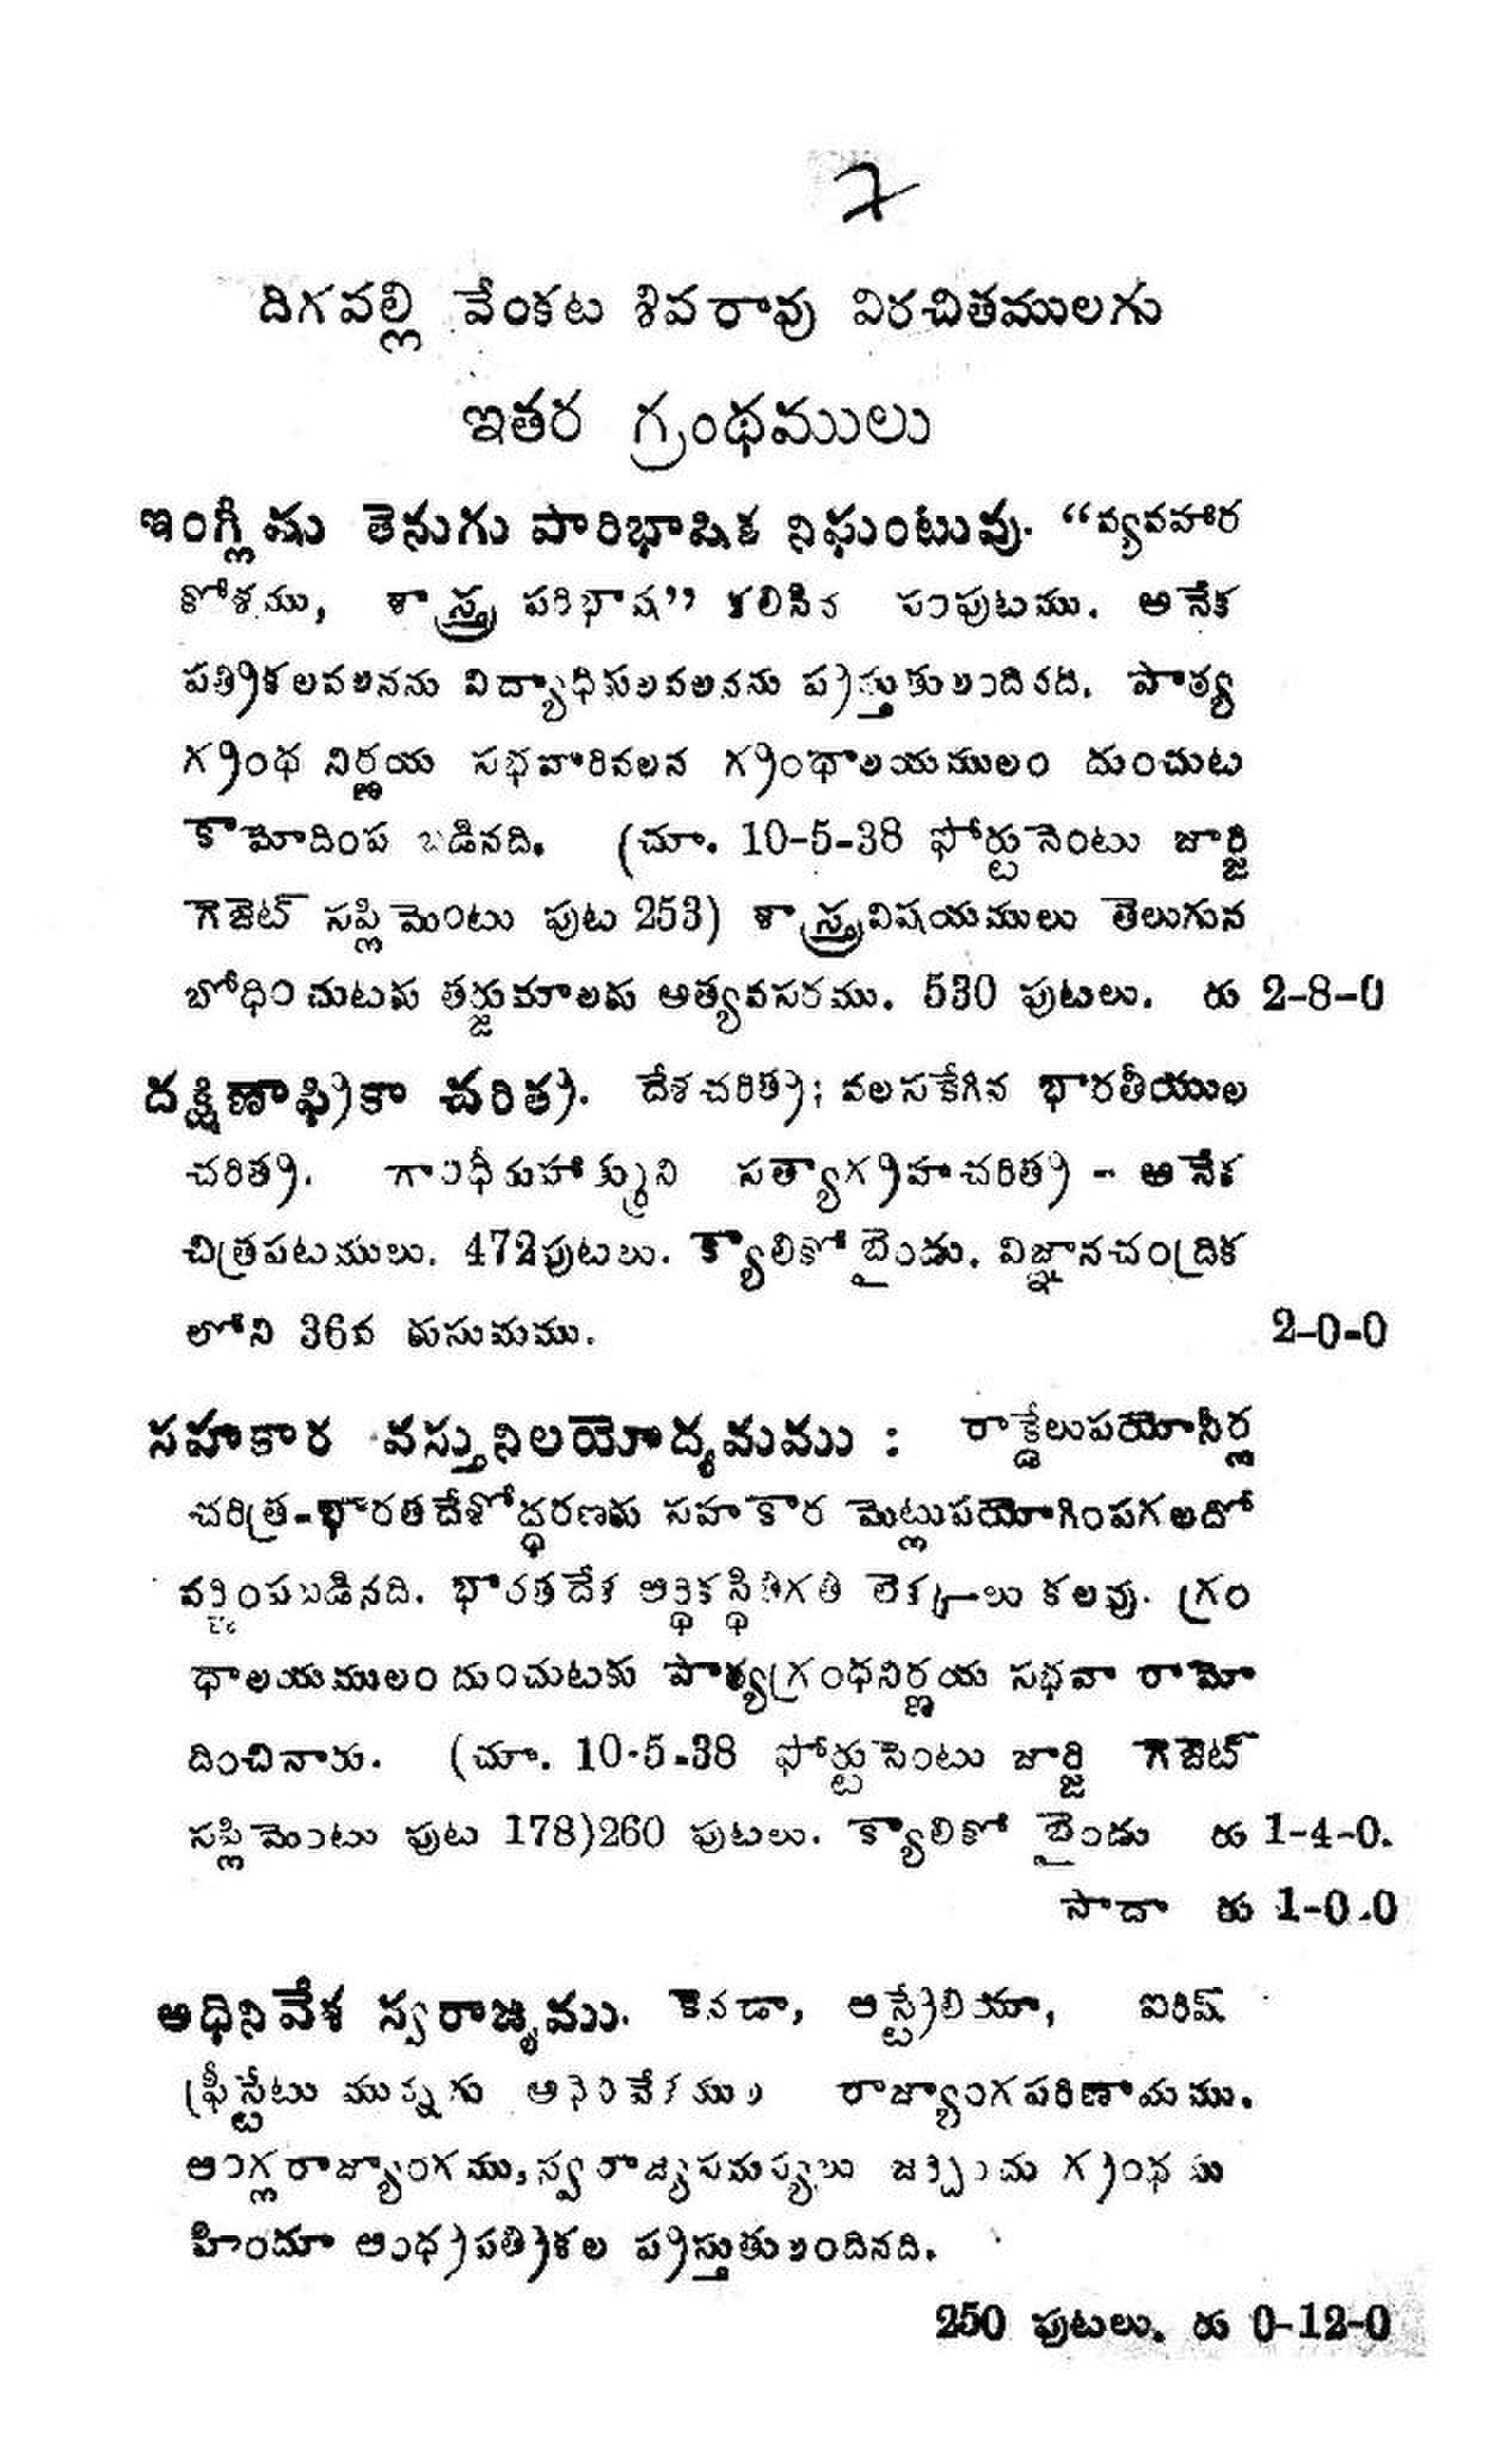దిగవల్లి వేంకట శివరావు విరచితములగు
ఇతర గ్రంథములు 

ఇంగ్లీషు తెనుగు పారిభాషిక నిఘంటువు. “వ్యవహార కోశము, శాస్త్ర పరిభాష" కలిసిన సంపుటము , అనేక పత్రికలవలనను విద్యాధికులవలనను ప్రస్తుతులందినది. పాఠ్యగ్రంధ నిర్ణయ సభవారివలన గ్రంథాలయములం దుంచుట కామోదింప బడినది. (చూ. 10-5-38 ఫోర్టుసెంటు జార్జి గెజెట్ సప్లిమెంటు పుట 253) శాస్త్రవిషయములు తెలుగున
బోధించుటను తర్జుమాలకు అత్యవసరము. 530 పుటలు. రు 2-8-0 

దక్షిణాఫ్రికా చరిత్ర. దేశచరిత్ర, వలసకేగిన భారతీయులచరిత్ర. గాంధీమహాత్ముని సత్యాగ్రహచరిత్ర - అనేక చిత్రపటములు. 472పుటలు. క్యాలికో బైండు, విజ్ఞానచంద్రికలోని 36వ కుసుమము. 2-0-0 

సహకార వస్తునిలయోద్యమము : రాక్డేలుపయోనీర్లచరిత్ర- భారతదేశోద్ధరణకు సహకార మెట్లుపయోగింపగలదో వర్ర్ణింపబడినది. భారతదేశ ఆర్థికస్థితిగతి లెక్కలు కలవు. గ్రంధాలయములం దుంచుటకు పాఠ్యగ్రంధనిర్ణయ సభవా రామోదించినారు. (చూ. 10-5-38 ఫోర్టు సెంటు జార్జి గెజెట్ సప్లిమంటు పుట 178) 260 పుటలు. క్యాలికో బైండు రు 1-4-0. సాదా రు 1-0.0 

అధినివేశ స్వరాజ్యము. కెనడా, ఆస్ట్రేలియా, ఐరిష్ - ఫ్రీస్టేటు మున్నగు అధినివేశముల, రాజ్యాంగ పరిణామము, ఆంగ్లరాజ్యాంగము, స్వరాజ్యసమస్యలు జర్చించు గ్రంథము హిందూ ఆంధ్ర పత్రికల ప్రస్తుతులందినది. 250 పుటలు. రు 0-12-0